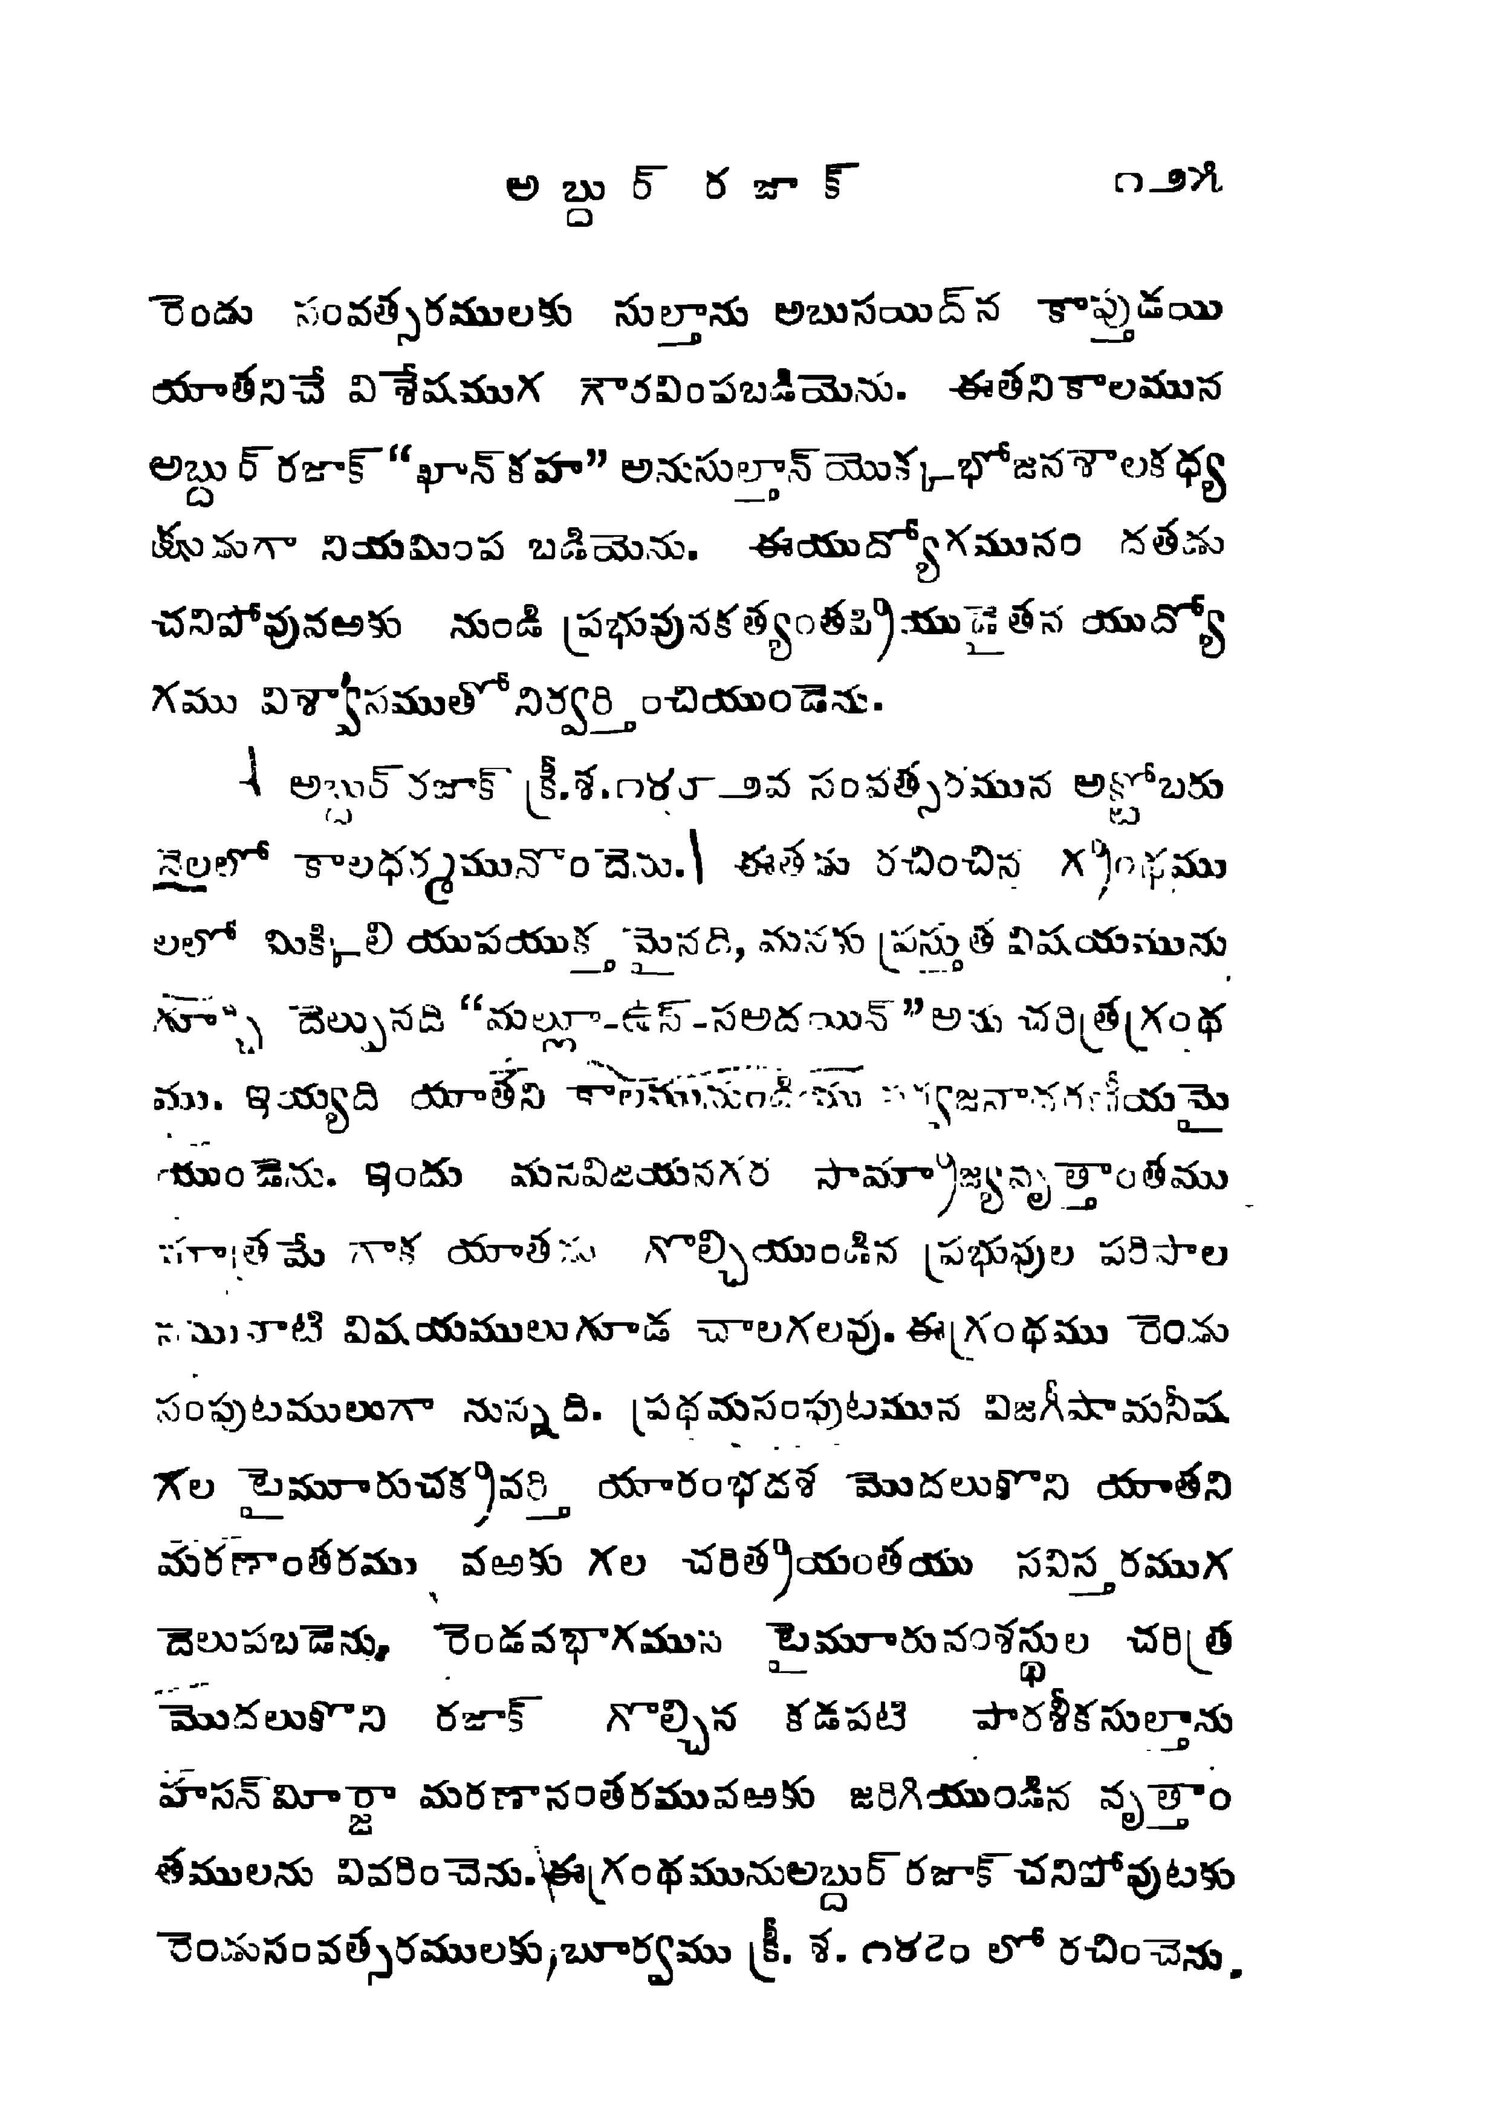రెండు సంవత్సరములకు సుల్తాను అబుసయిద్‌న కాప్తుడయి యాతనిచే విశేషముగ గౌరవింపబడియెను. ఈతనికాలమున అబ్దుర్‌రజాక్ "ఖాన్‌కహ" అను సుల్తాన్‌యొక్క భోజనశాల కధ్యక్షుడుగా నియమింప బడియెను. ఈయుద్యోగమునం దతడు చనిపోవువఱకు నుండి ప్రభువునకత్యంతప్రియుడైతన యుద్యోగము విశ్వాసముతో నిర్వర్తించియుండెను.

అబ్దుర్ రజాక్ క్రీ. శ. 1482 వ సంవత్సరమున అక్టోబరు నెలలో కాలధర్మము నొందెను. ఈతడు రచించిన గ్రంథములలో మిక్కిలి యుపయుక్తమైనది, మనకు ప్రస్తుత విషయమును గూర్చి దెల్పునది "మల్లూ-ఉస్-నఅదయిన్" అను చరిత్రగ్రంథము. ఇయ్యది యాతని కాలము నుండియు సర్వజనాదరణీయమై యుండెను. ఇందు మన విజయనగర సామ్రాజ్యవృత్తాంతము మాత్రమే గాక యాతడు గొల్చియుండిన ప్రభువుల పరిపాలనము నాటి విషయములు గూడ చాలగలవు. ఈగ్రంథము రెండు సంపుటములుగా నున్నది. ప్రథమ సంపుటమున విజగీషామనీష గల టైమూరు చక్రవర్తి యారంభదశ మొదలుకొని యాతని మరణాంతరము వఱకు గల చరిత్రయంతయు సవిస్తరముగ దెలుపబడెను. రెండవ భాగమున టైమూరు వంశస్థుల చరిత్ర మొదలుకొని రజాక్ గొల్చిన కడపటి పారశీకసుల్తాను హసన్‌మీర్జా మరణానంతము వఱకు జరిగియుండిన వృత్తాంతములను వివరించెను. ఈగ్రంథమును అబ్దుర్ రజాక్ చనిపోవుటకు రెండుసంవత్సరములకు, బూర్వము క్రీ. శ. 1470 లో రచించెను.